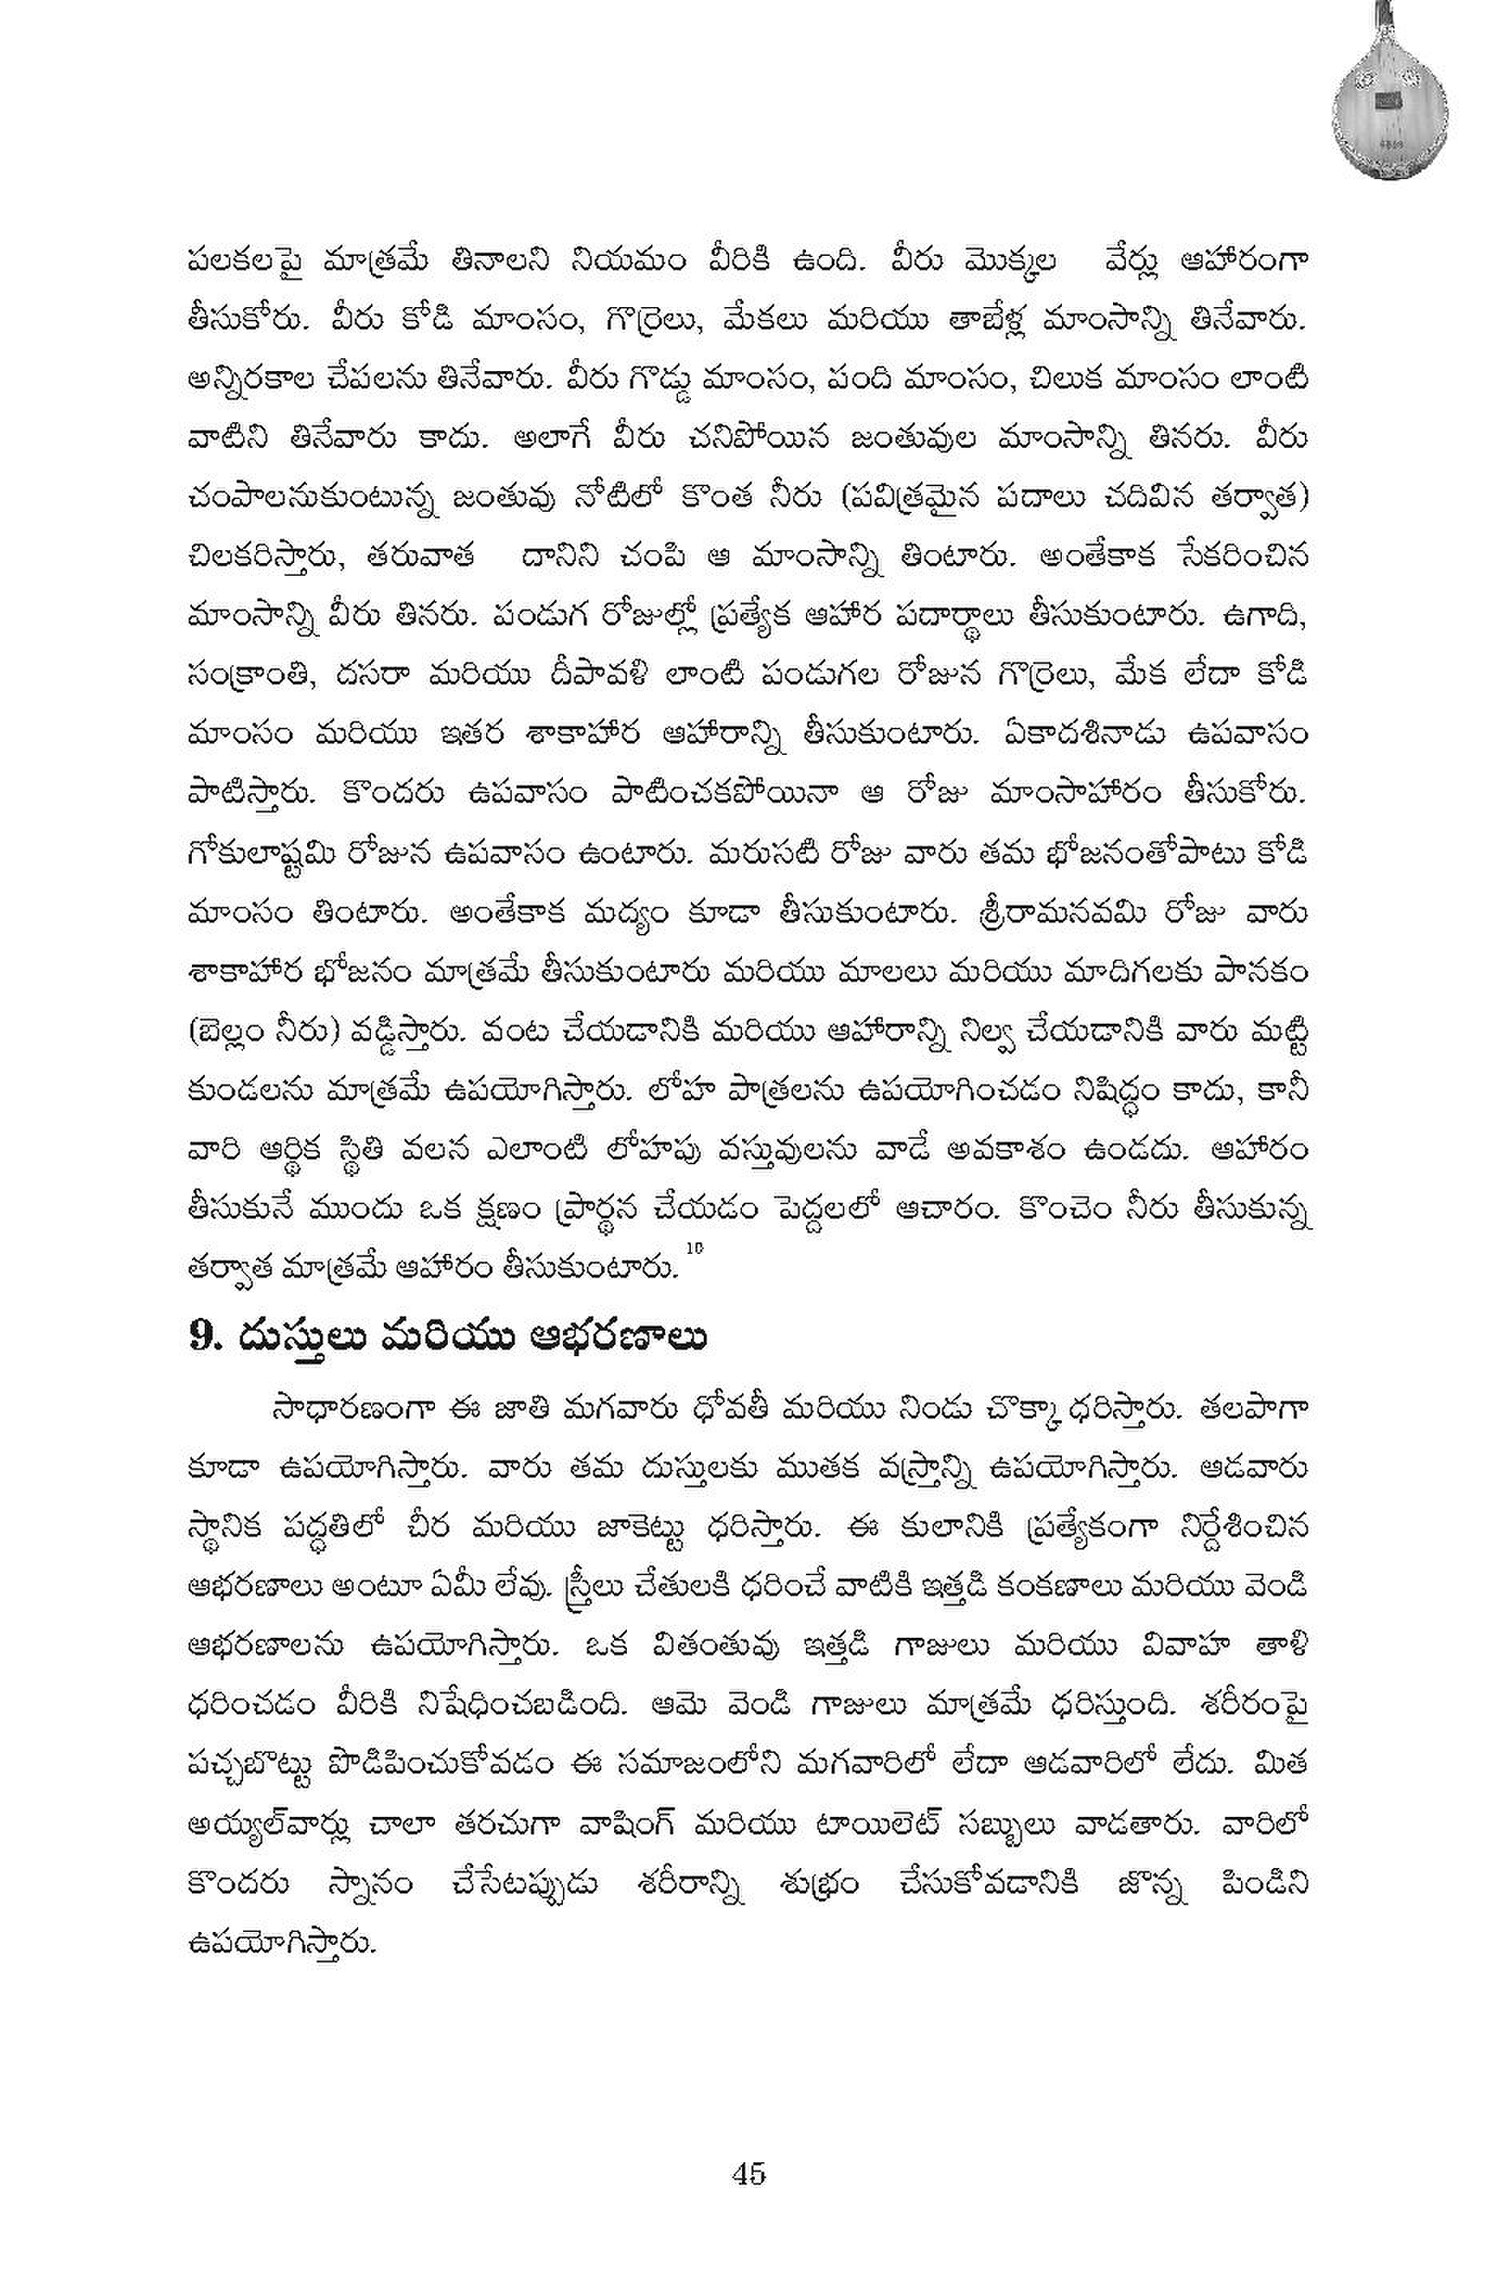పలకలపై మాత్రమే తినాలని నియమం వీరికి ఉంది. వీరు మొక్కల వేర్లు ఆహారంగా తీసుకోరు. వీరు కోడి మాంసం, గొర్రెలు, మేకలు మరియు తాబేళ్ల మాంసాన్ని తినేవారు. అన్నిరకాల చేపలను తినేవారు. వీరు గొడ్డు మాంసం, పంది మాంసం, చిలుక మాంసం లాంటి వాటిని తినేవారు కాదు. అలాగే వీరు చనిపోయిన జంతువుల మాంసాన్ని తినరు. వీరు
చంపాలనుకుంటున్న జంతువు నోటిలో కొంత నీరు (పవిత్రమైన పదాలు చదివిన తర్వాత) చిలకరిస్తారు, తరువాత దానిని చంపి ఆ మాంసాన్ని తింటారు. అంతేకాక సేకరించిన మాంసాన్ని వీరు తినరు. పండుగ రోజుల్లో ప్రత్యేక ఆహార పదార్థాలు తీసుకుంటారు. ఉగాది, సంక్రాంతి, దసరా మరియు దీపావళి లాంటి పండుగల రోజున గొర్రెలు, మేక లేదా కోడి మాంసం మరియు ఇతర శాకాహార ఆహారాన్ని తీసుకుంటారు. ఏకాదశినాడు ఉపవాసం పాటిస్తారు. కొందరు ఉపవాసం పాటించక పోయినా ఆ రోజు మాంసాహారం తీసుకోరు. గోకులాష్టమి రోజున ఉపవాసం ఉంటారు. మరుసటి రోజు వారు తమ భోజనంతో పాటు కోడి మాంసం తింటారు. అంతేకాక మద్యం కూడా తీసుకుంటారు. శ్రీరామనవమి రోజు వారు శాకాహార భోజనం మాత్రమే తీసుకుంటారు మరియు మాలలు మరియు మాదిగలకు పానకం (బెల్లం నీరు) వడ్డిస్తారు. వంట చేయడానికి మరియు ఆహారాన్ని నిల్వ చేయడానికి వారు మట్టి కుండలను మాత్రమే ఉపయోగిస్తారు. లోహ పాత్రలను ఉపయోగించడం నిషిద్ధం కాదు, కానీ వారి ఆర్థిక స్థితి వలన ఎలాంటి లోహపు వస్తువులను వాడే అవకాశం ఉండదు. ఆహారం తీసుకునే ముందు ఒక క్షణం ప్రార్థన చేయడం పెద్దలలో ఆచారం. కొంచెం నీరు తీసుకున్న తర్వాత మాత్రమే ఆహారం తీసుకుంటారు.10 

9. దుస్తులు మరియు ఆభరణాలు 

సాధారణంగా ఈ జాతి మగవారు ధోవతీ మరియు నిండు చొక్కా ధరిస్తారు. తలపాగా కూడా ఉపయోగిస్తారు. వారు తమ దుస్తులకు ముతక వస్త్రాన్ని ఉపయోగిస్తారు. ఆడవారు స్థానిక పద్ధతిలో చీర మరియు జాకెట్టు ధరిస్తారు. ఈ కులానికి ప్రత్యేకంగా నిర్దేశించిన ఆభరణాలు అంటూ ఏమీ లేవు. స్త్రీలు చేతులకి ధరించే వాటికి ఇత్తడి కంకణాలు మరియు వెండి
ఆభరణాలను ఉపయోగిస్తారు. ఒక వితంతువు ఇత్తడి గాజులు మరియు వివాహ తాళి ధరించడం వీరికి నిషేధించబడింది. ఆమె వెండి గాజులు మాత్రమే ధరిస్తుంది. శరీరంపై పచ్చబొట్టు పొడిపించుకోవడం ఈ సమాజంలోని మగవారిలో లేదా ఆడవారిలో లేదు. మిత అయ్యల్వార్లు చాలా తరచుగా వాషింగ్ మరియు టాయిలెట్ సబ్బులు వాడతారు. వారిలో కొందరు స్నానం చేసేటప్పుడు శరీరాన్ని శుభ్రం చేసుకోవడానికి జొన్న పిండిని ఉపయోగిస్తారు.